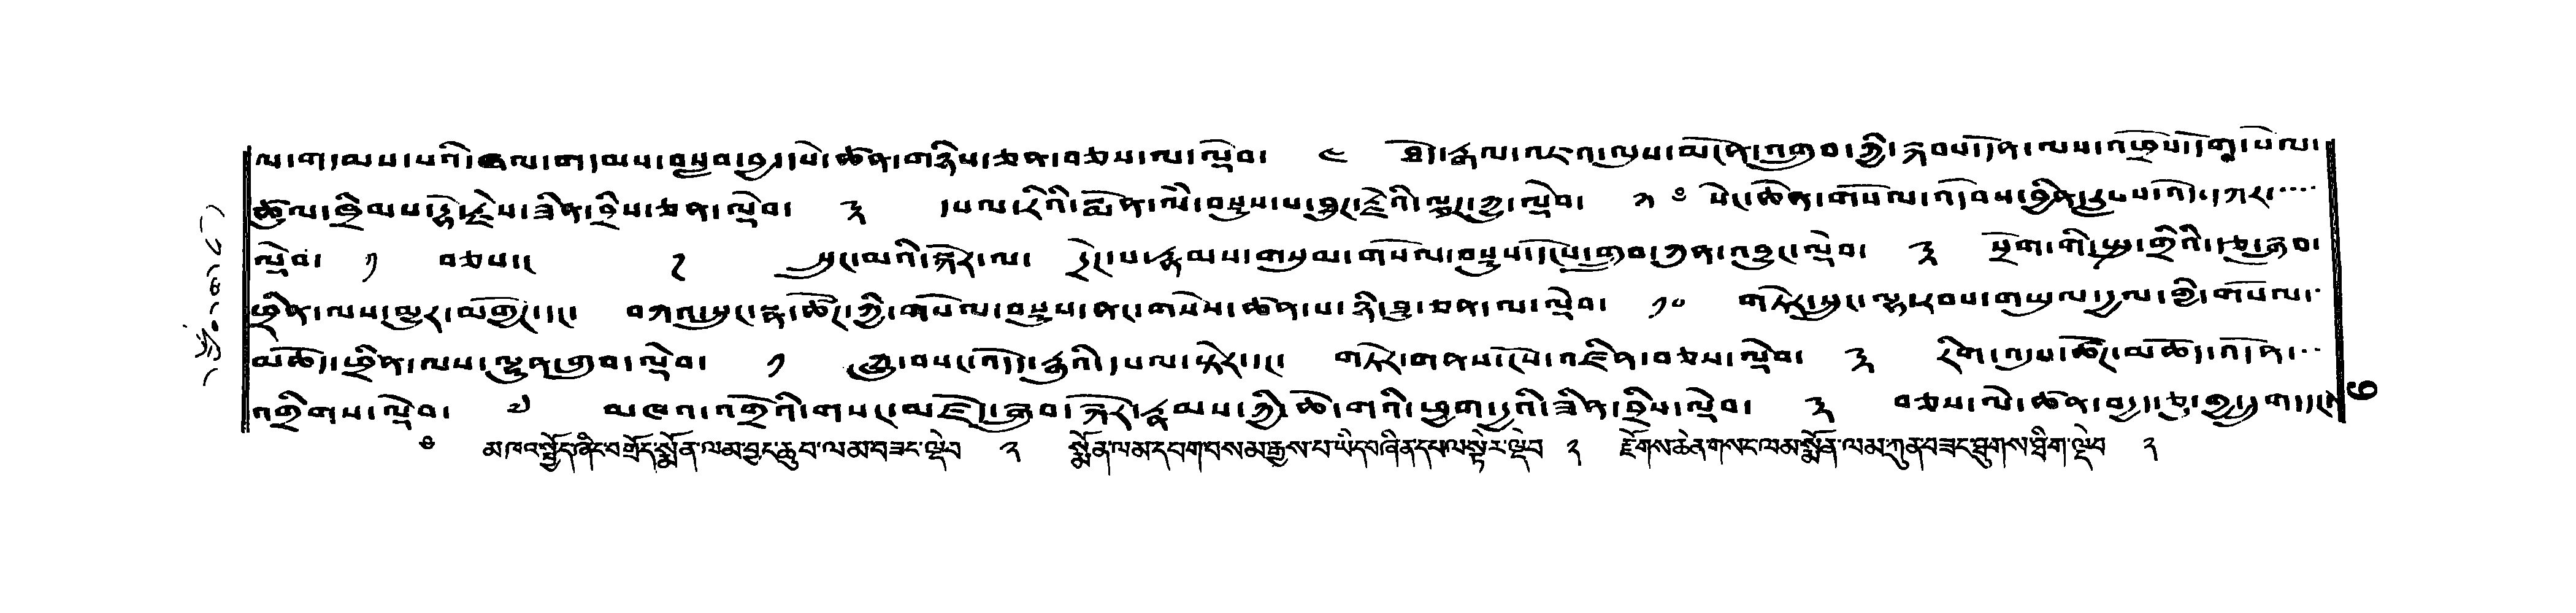ལ་གདམས་པའི་ཞལ་གདམས་བསླབ་བྱ་དཔེ་ཚན་གཉིས་ཅན་བཅས་ལ་ལྡེབ། ཐོད་རྒལ་འཇའ་ལུས་མངོན་འགྲུབ་ཀྱི་སྐབས་དོན་ལས་འཕྲོས་དོགས་སེལ་
ཚུལ་ཁྲིམས་རྡོ་རྗེའི་ཟིན་བྲིས་ཅན་ལྡེབ། དཔལ་རིའི་སྨོན་ལམ་བསྡུས་པ་ཐུགས་རྗེའི་ལྕགས་ཀྱུ་ལྡེབ། མཁའ་སྤྱོད་ཞིང་བགྲོད་སྨོན་ལམ་བྱང་ཆུབ་ལམ་བཟང་
ལྡེབ། བཅས། ༈ སྲུང་མའི་སྐོར་ལ། དྲེགས་པ་རྣམ་གསུམ་གསོལ་བསྡུས་དངོས་གྲུབ་ཀུན་འབྱུང་ལྡེབ། སྲོག་གི་སྤུ་གྲིའི་རྩ་སྒྲུབ་
ཕྲིན་ལས་མྱུར་མགྱོགས་དང་། བཀའ་སྲུང་སྣ་ཚོགས་ཀྱི་གསོལ་བསྡུས་ནང་གསེས་ཚན་པ་ཉི་ཤུ་ཅན་ལ་ལྡེབ། གཏེར་སྲུང་ལྷ་རབས་གཡུལ་རྒྱལ་གྱི་གསོལ་
མཆོད་ཕྲིན་ལས་ལྷུན་གྲུབ་ལྡེབ། ཀླུ་བསང་འདོད་རྒུའི་དཔལ་སྟེར་དང་། གཏེར་གནས་ངོས་འཛིན་བཅས་ལྡེབ། རིག་འདུས་ཚོགས་མཆོད་འདོན་
འགྲིགས་ལྡེབ། མཁའ་འགྲོའི་གསང་མཛོད་སྒྲུབ་སྐོར་རྣམས་ཀྱི་ཆོ་གའི་ཕྱག་རྒྱའི་ཟིན་བྲིས་ལྡེབ། བཅས་ལེ་ཚན་བརྒྱད་ཅུ་གྱ་དྲུག་དང་ 
སྨོན་ལམ་དཔག་བསམ་རྒྱས་པ་ཡིད་བཞིན་དཔལ་སྟེར་ལྡེབ། ༢ རྫོགས་ཆེན་གསང་ལམ་སྨོན་ལམ་ཀུན་བཟང་ཐུགས་ཐིག་ལྡེབ